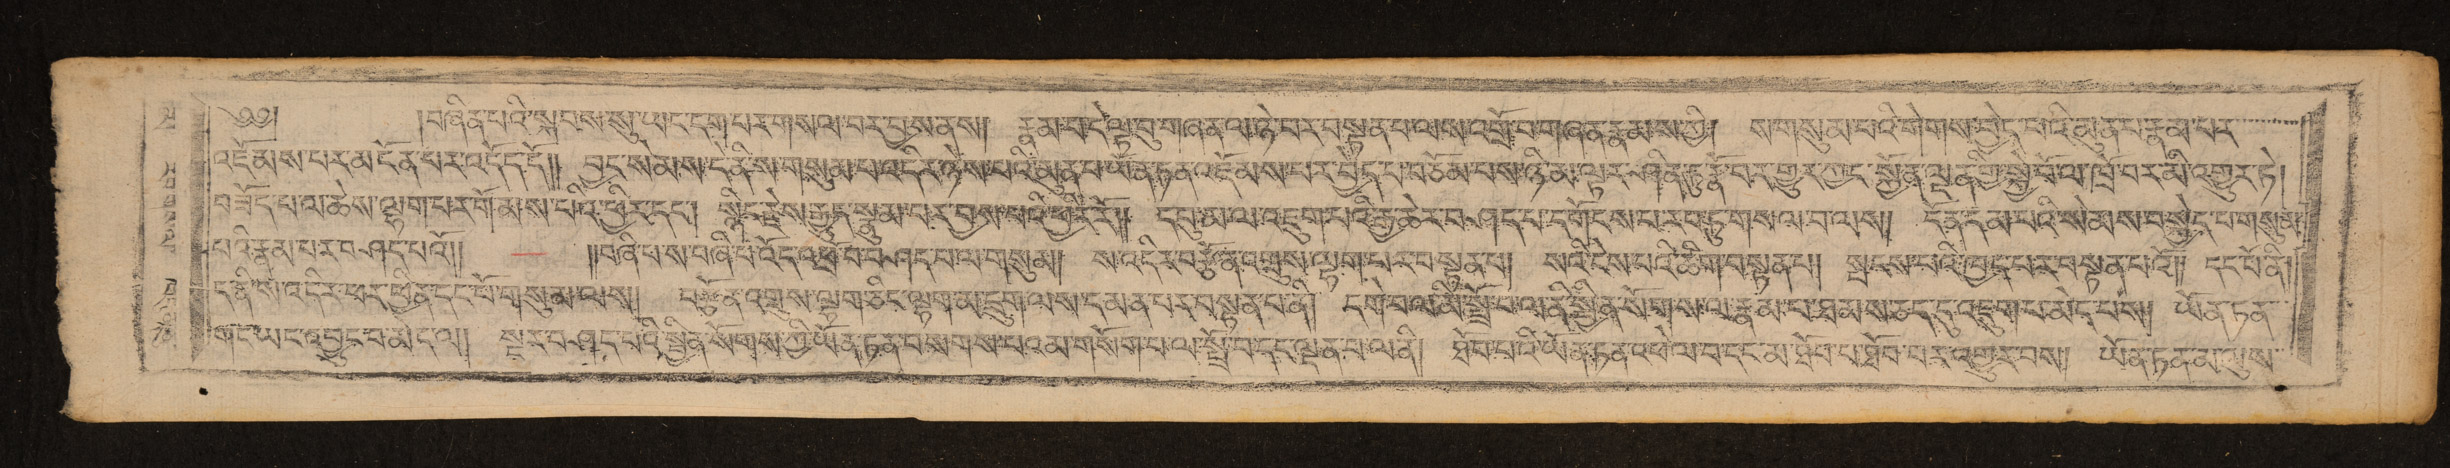༄༅། །བཞིན་པའི་སྐབས་སུ་ཡང་དག་པར་གསལ་བར་བྱས་ནས། རྣམ་པ་དེ་ལྟ་བུ་གཞན་ལ་ཉེ་བར་བསྟན་པ་ལས་འགྲོ་བ་གཞན་རྣམས་ཀྱི། ས་གསུམ་པའི་གེགས་བྱེད་པའི་མུན་པ་རྣམ་པར་
འཇོམས་པར་མངོན་པར་འདོད་དོ།། བྱང་སེམས་དེ་ནི་ས་གསུམ་པ་འདིར་ཉེས་པའི་མུན་པ་ཡོན་ཏན་འཇོམས་པར་བྱེད་པ་བཅོམ་པས་ཉི་མ་ལྟར་ཤིན་ཏུ་རྣོ་བར་གྱུར་ཀྱང་སྐྱོན་ལྡན་གྱི་སྐྱེ་བོ་ལ་ཁྲོ་བར་མི་འགྱུར་ཏེ།
བཟོད་པ་ལ་ཆེས་ལྷག་པར་གོམས་པའི་ཕྱིར་དང་། སྙིང་རྗེས་རྒྱུད་སྣུམ་པར་བྱས་པའི་ཕྱིར་རོ།། དབུ་མ་ལ་འཇུག་པའི་རྒྱ་ཆེར་བཤད་པ་དགོངས་པ་རབ་ཏུ་གསལ་བ་ལས། དོན་དམ་པའི་སེམས་བསྐྱེད་པ་གསུམ་
པའི་རྣམ་པར་བཤད་པའོ།། ༈ །།བཞི་པ་ས་བཞི་པ་འོད་འཕྲོ་བ་བཤད་པ་ལ་གསུམ། ས་འདིར་བརྩོན་འགྲུས་ལྷག་པར་བསྟན་པ། སའི་ངེས་པའི་ཚིག་བསྟན་པ། སྤངས་པའི་ཁྱད་པར་བསྟན་པའོ།། དང་པོ་ནི།
ད་ནི་ས་འདིར་ཕར་ཕྱིན་དང་པོ་གསུམ་ལས། བརྩོན་འགྲུས་ལྷག་ཅིང་ལྷག་མ་དྲུག་ལས་དམན་པར་བསྟན་པ་ནི། དགེ་བ་ལ་མི་སྤྲོ་བ་ལ་ནི་སྦྱིན་སོགས་ལ་རྣམ་པ་ཐམས་ཅད་དུ་འཇུག་པ་མེད་པས། ཡོན་ཏན་
གང་ཡང་འབྱུང་བ་མེད་ལ། སྔར་བཤད་པའི་སྦྱིན་སོགས་ཀྱི་ཡོན་ཏན་བསགས་པའམ། གསོག་པ་ལ་སྤྲོ་བ་དང་ལྡན་པ་ལ་ནི། ཐོབ་པའི་ཡོན་ཏན་འཕེལ་བ་དང་མ་ཐོབ་པ་ཐོབ་པར་འགྱུར་བས། ཡོན་ཏན་མ་ལུས་